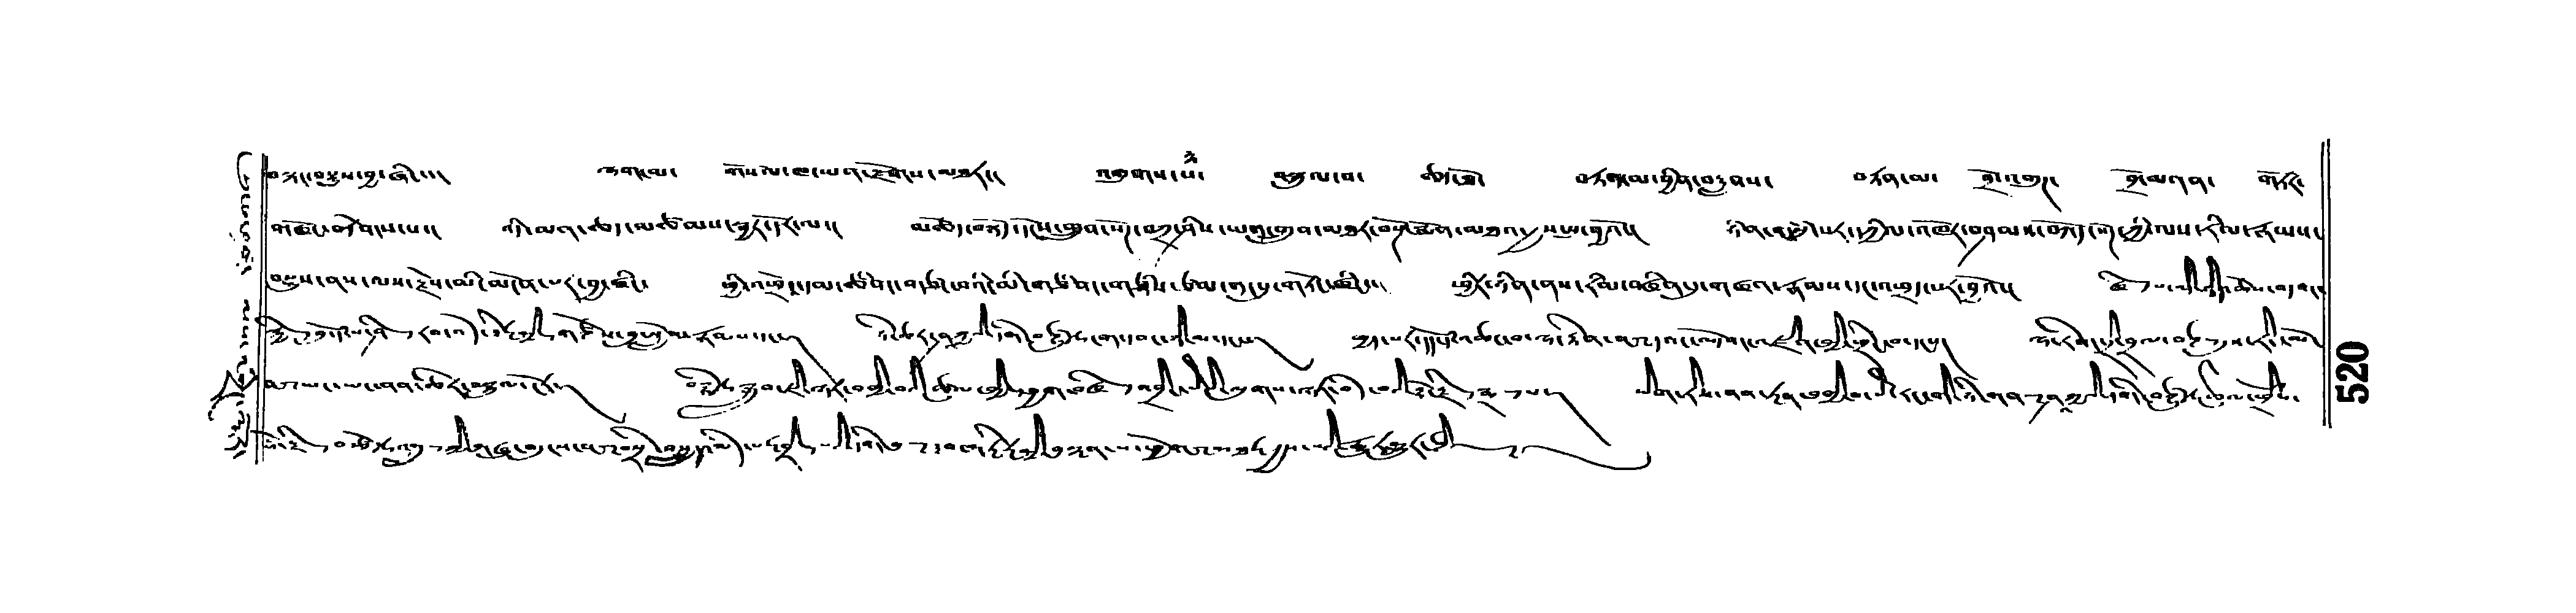བསྐང་བསྡུས་བྱ་ཞིང་། ལྷག་མ། གསོལ་ཁ་ཡན་རྫོགས་མཐར། འགུགས་པ། བསྐུལ་བ། ཆད་ཐོ། བརྟན་མ་བྱིན་བརླབས། བརྟན་མ། བྲོ་འགུགས། བྲོ་མནན། གཏོར་
གཞོང་བཏེགས་པ། འདི་མན་ཆད་མཚམས་སྦྱར་དོར་ལ། མཆོད་བསྟོད་དངོས་གྲུབ་སོགས་བཀྲ་ཤིས་ཡན་གྲུབ་མཐར་བསྔོ་སྨོན་མཐའ་རྒྱས་སུ་བྱའོ། ཉིན་གསུམ་པར་དཀྱིལ་འཁོར་བཤམས་བཀོད་སོགས་ཀྱི་ལས་རིམ་རྣམས་
བསྡུས་ནས་ལས་རྗེས་མི་མངོན་པར་བྱ་ཞིང་། ས ཕྱི་དྲོ་དམ་ཚིག་གཙང་བའི་མི་གཅིག་གཉིས་ཙམ་ནང་དུ་གཏོང་ཞིང་། ཕྱིར་ཉིན་ནས་རིམ་བཞིན་དུ་གཞན་རྣམས་དང་འཕྲད་པར་བྱའོ། ཞེས་པ་འདི་ཉིད་ཆོས་བདག་
སྐྱེ་བུ་དམ་པ་ཤེས་རབ་འོད་ཟེར་གྱིས་གཙོས་བུ་སློབ་རྣམས་དང་། ཉེ་ཆར་ཤཱཀྱའི་དགེ་བཙུན་ངག་དབང་ཉི་མ་དང་། ཁྱད་པར་དད་དམ་འཆང་བ་ལྷ་རྟེན་ནས་དབང་མདོག་འཛིན་གྱི་ཕྲེང་བ་དང་། ལྷ་རེག་དྲི་བྲལ་བཅས་དུས་རིང་མོ་
ནས་ཡང་ཡང་ནན་ཆེར་བསྐུལ་ངོར། བསྙེན་སྒྲུབ་ཇི་ལྟར་བགྱི་བའི་ཚུལ་གྱིས་ཕྱག་བཞེས་འབྲིང་པོའི་ལུགས་ལྟར་བདེ་བའི་རྡོ་རྗེས་སྨྲས་པ། ཡིག་རིས་ནན་ཏན་བགྱི་བ་པོ་རང་གི་ཉེ་གནས་ཤཱཀྱའི་དགེ་བཙུན་ཚུལ་ཁྲིམས་
རྡོ་རྗེས་བརྩོན་འགྲུས་ཀྱི་གཞུ་བརྡུངས་ནས་བསྲེ་བསླད་མེད་པར་བྲིས་པའི་དགེ་བས་ཟབ་གཏེར་གྱི་བསྟན་པ་ཕྱོགས་མཐར་རྒྱས་པའི་རྒྱུར་གྱུར་ཅིག།།